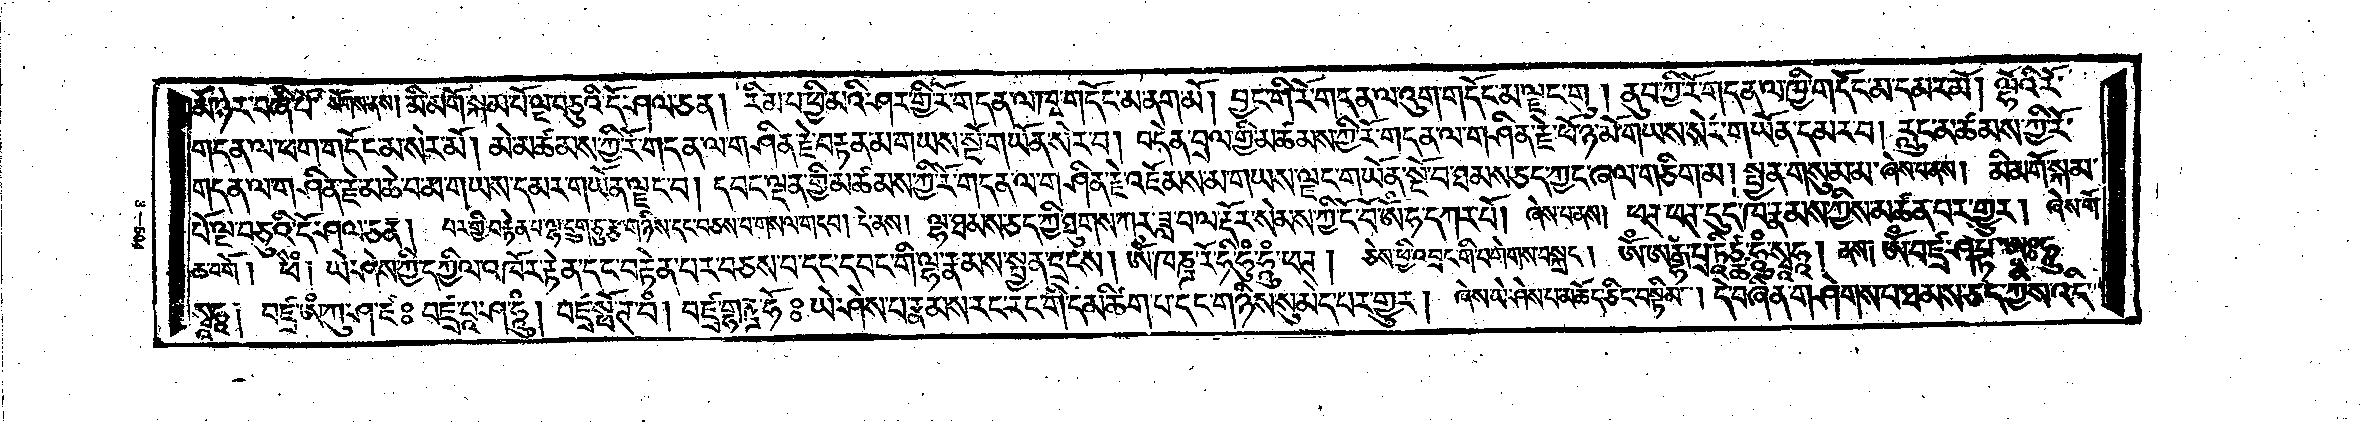མོ་ཉེར་བཞི་པོ་སོགས་ནས།  མི་མགོ་སྐམ་པོ་ལྔ་བཅུའི་དོ་ཤལ་ཅན། རིམ་པ་ཕྱི་མའི་ཤར་གྱི་རོ་གདན་ལ་ཁྭ་གདོང་མ་ནག་མོ། བྱང་གི་རོ་གདན་ལ་འུག་གདོང་མ་ལྗང་གུ། ནུབ་ཀྱི་རོ་གདན་ལ་ཁྱི་གདོང་མ་དམར་མོ། ལྷོའི་རོ་
གདན་ལ་ཕག་གདོང་མ་སེར་མོ། མེ་མཚམས་ཀྱི་རོ་གདན་ལ་གཤིན་རྗེ་བརྟན་མ་གཡས་སྔོ་གཡོན་སེར་བ། བདེན་བྲལ་གྱི་མཚམས་ཀྱི་རོ་གདན་ལ་གཤིན་རྗེ་ཕོ་ཉ་མོ་གཡས་སེར་གཡོན་དམར་བ། རླུང་མཚམས་ཀྱི་རོ་
གདན་ལ་གཤིན་རྗེ་མཆེ་བ་མ་གཡས་དམར་གཡོན་ལྗང་པ། དབང་ལྡན་གྱི་མཚམས་ཀྱི་རོ་གདན་ལ་གཤིན་རྗེ་འཇོམས་མ་གཡས་ལྗང་གཡོན་སྔོ་བ་ཐམས་ཅད་ཀྱང་ཞལ་གཅིག་མ། སྤྱན་གསུམ་མ་ཞེས་པ་ནས།  མི་མགོ་སྐམ་
པོ་ལྔ་བཅུའི་དོ་ཤལ་ཅན། པར་གྱི་བརྟེན་པ་ལྷ་དྲུག་ཅུ་རྩ་གཉིས་དང་བཅས་པ་གསལ་གདབ། དེ་ནས།  ལྷ་ཐམས་ཅད་ཀྱི་ཐུགས་ཀར་ཟླ་བ་ལ་རྡོར་སེམས་ཀྱི་ངོ་བོ་ཨོ྾་ཧ་དཀར་པོ། ཞེས་པ་ནས།  ཕཊ་ཕཊ་དུད་ཁ་རྣམས་ཀྱིས་མཚན་པར་གྱུར། ཞེས་འོ་
ཆ་བགོ། ཕཻ྾། ཡེ་ཤེས་ཀྱི་དཀྱིལ་འཁོར་རྟེན་དང་བརྟེན་པར་བཅས་པ་དང་དབང་གི་ལྷ་རྣམས་སྤྱན་དྲངས། ཨོ྾་ཁཎྜ་རོ་ཧི་ཧཱུ྾་ཧཱུ྾་ཕཊ། ཅེས་ཕྱི་འབྲང་གི་བགེགས་བསྐྲང་།  ཨོ྾་ཨརྒྷ྾་པྲ་ཏཱིཙྪ་ཧཱུ྾་སྭཱཧཱ། ནས། ཨོ྾་བཛྲ་ཤཔྟ་ཨཱཿ ཧཱུ྾་
སྭཱ་ཧཱ། བཛྲ་ཨོ྾་ཀུ་ཤ་ཛཿབཛྲ་པཱ་ཤ་ཧཱུ྾། བཛྲ་སྤོ་ཊ་བ྾། བཛྲ་གྷཊྜ་ཧོཿ ཡེ་ཤེས་པ་རྣམས་རང་རག་གི་དམ་ཚིག་པ་དང་གཉིས་སུ་མེད་པར་གྱུར། ཞེས་ཡེ་ཤེས་པ་མཆོད་ཅིང་།  དེ་བཞིན་གཤེགས་པ་ཐམས་ཅད་ཀྱིས་འདི་